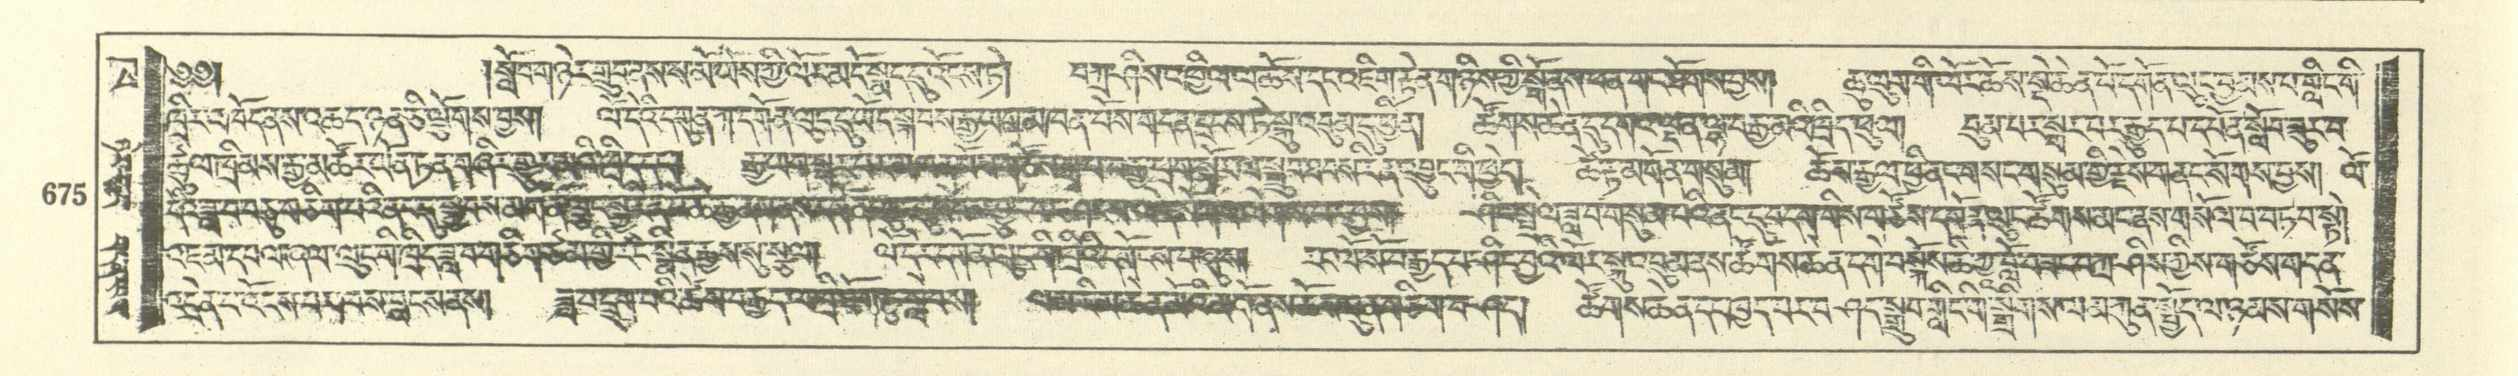༄༅། །སློབ་གཉེར་གྲུབ་ནས་ས་མོ་ཡོས་ཀྱི་ལོར་མདོ་སྨད་དུ་འོངས་ཏེ། བཀྲ་ཤིས་འཁྱིལ་ལ་ཆོས་དང་འཇིག་རྟེན་གཉིས་ཀྱི་སྒོ་ནས་ཕན་གང་ཐོགས་བྱས། ཆུ་ལུག་གི་ལོང་ཆོས་སྡེ་ཆེན་པོ་དགོན་ལུང་བྱམས་པ་གླིང་གི་
ཁྲིར་འཁོད་ནས་འཆད་ཉན་ཅི་ལྕོགས་བྱས། ལོ་དེའི་དགུན་ཀ་དགོན་ལུང་དུ་ཡོད་སྐབས་རྒྱ་ཡག་མཁན་པོས་གདན་དྲངས་ཏེ་སྐུ་འབུམ་དུ་ཕྱིན། ཚོགས་ཆེན་དུ་དགའ་ལྡན་ལྷ་བརྒྱ་མའི་ཁྲིད་ཕུལ། བུམ་པར་སྒར་པར་རྒྱུད་པ་དཔོན་སློབ་ཟུར་བ་
ཚུལ་ཁྲིམས་རྒྱ་མཚོར་ཡོན་ཏན་གཞིར་གྱུར་མའི་ཁྲིད་དང་། རྒྱ་ཡག་སྒར་བར་མཁན་པོས་གཙོས་གྲྭ་བ་བརྒྱ་ཕྲག་སྐོར་ལ་སྒྲུབ་ཐབས་རིན་འབྱུང་གི་ཕྱེད། ཚེ་རྟ་མགོན་གསུམ། ཆོས་རྒྱལ་ཕྱི་ནང་གསང་གསུམ་གྱི་རྗེས་གནང་སོགས་བྱས། ལོ་
དེའི་ཟླ་བ་བཅུ་གཅིག་པའི་ནང་དུ་སྐྱབས་མགོན་ལྕང་སྐྱ་རིན་པོ་ཆེ་རྒྱ་ནག་ནས་དགོན་ལུང་དུ་ཕེབས་བྱུང་བར་ཤངས་ལེན་སོགས་ལེགས་པར་བྱས། ཤིང་སྤྲེལ་ཟླ་བ་གསུམ་པའི་ནང་དུ་བདག་གིས་གཙོས་དགོན་ལུང་ཚོགས་མང་ནས་གསོལ་བ་བཏབ་སྟེ།
འཇམ་དཔལ་ཞལ་ལུང་གི་ཁྲིད་ཟླ་བ་གཅིག་ཙམ་གྱི་རིང་སྨིན་རྒྱས་སུ་སྩལ། ལོ་དེར་དགོན་ལུང་གི་ཁྲིའི་དགོངས་པ་ཞུས། རང་ལོ་སོ་བརྒྱད་པ་ཤིང་བྱའི་ལོར་སྐུ་འབུམ་ནས་ཚོགས་ཆེན་དགེ་བསྐོས་ཆི་ཀྱཱ་བློ་བཟང་བཀྲ་ཤིས་ཀྱིས་གཙོས་གདན་
འདྲེན་པ་འོངས་པར་ཁས་བླངས་ནས། ཟླ་བ་དྲུག་པའི་ཚེས་བརྒྱད་ལ་ཁྲི་ཐོག་ཏུ་སླེབས། ལམ་རིམ་ཆེན་མོའི་མགོ་ནས་ཆོས་ཐུན་གཅིག་བཤད། ཚོགས་ཆེན་དང་ཁྱད་པར་བཤད་སྒྲུབ་གླིང་གི་སྒྲིགས་ལམ་ཀུན་སྤྱོད་ལ་ཉམས་གསོས་